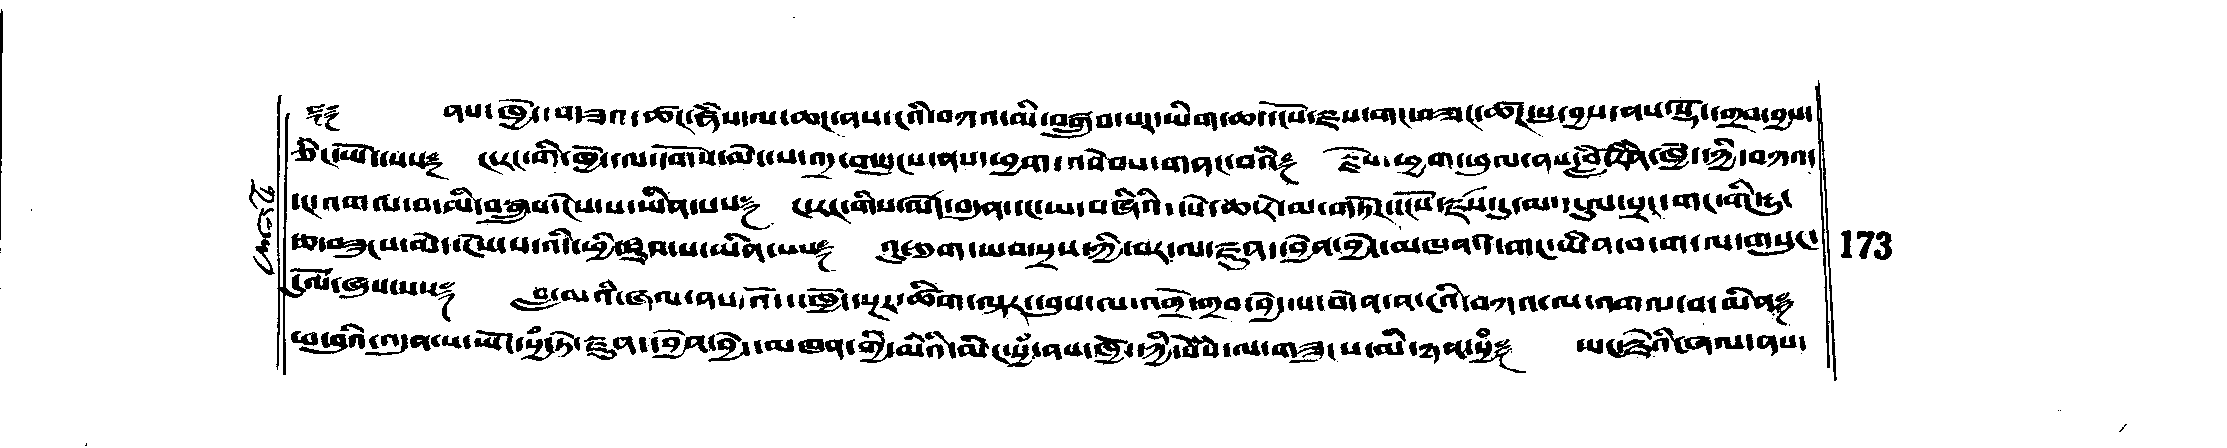ནས་ཁྱོད་གཟའ་ཚང་རྣམས་ལ་ཆགས་ནས་ངའི་བཀའ་མི་བསྒྲུབ་པར་ཡིག་ཆ་དངོས་རྫས་གང་བཟང་ཚགས་སུ་བྱས་ནས་སྡོད་གྲབས་བྱས་
ཅིང་ཡོད་པས། ང་རང་གི་ཁྱོད་ལ་དགོས་མེད་པ་འདྲ་གསུངས་ནས་ཕྱག་འབེབས་གནང་བས། རྗེས་ཕྱག་ཕུལ་ནས་བླ་མ་རིན་པོ་ཆེ་ཁྱོད་ཀྱི་བཀའ་
དང་འགལ་བ་མི་བསྒྲུབ་ངེས་པ་ཡིན་པས། ང་རང་གིས་མཛོད་བདུན་དང་ཡ་བཞིའི་དཔེ་ཆ་རེ་མ་གཏོགས་དངོས་རྫས་དུ་མ་དངུལ་སྲང་གང་གི་རྒྱུ་
རྩ་བཟུང་མེད་ངེས་པ་འདི་ཕྱི་ཐུབ་པ་ཡིན་པས། འུ་ཅག་ཡབ་སྲས་ཀྱི་བར་ལ་རྫུན་དབྱེན་བྱེད་མཁན་དེ་གང་ཡིན་བདག་ལ་གསུང་
དུ་གསོལ་ཞུས་པས། བླ་མའི་ཞལ་ནས་འོ་ད་ཁྱོད་སྔར་ཚིག་ལྟར་དབུས་ལ་འགྲོ་གྲབས་བྱེད་པ་བདེན་ན་ངའི་བཀའ་ལ་འགལ་བ་མིན། 
ཕ་བུའི་འདུན་པ་ཡོད་གསུངས་ཏེ་རྫུན་དབྱེན་བྱེད་མཁན་གྱི་མིའི་མིང་གསུང་ནས་ཁྱོད་ཀྱིས་སེམས་ལ་གཟུང་མི་ཉན་གསུངས། ཡང་རྗེའི་ཞལ་ནས་